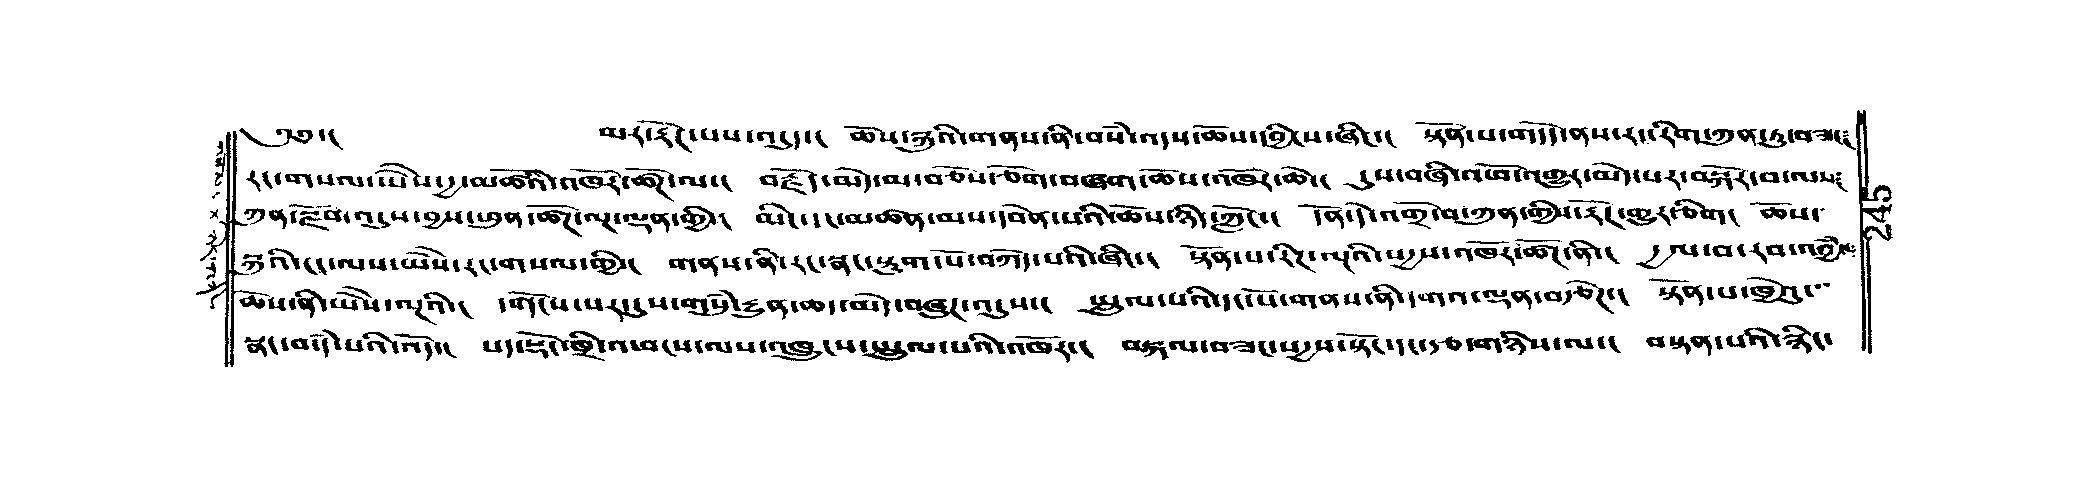མར་རྟོགས་པས་འདུད། །ཆོས་སྐུའི་གནས་ནི་བསམ་འདས་ཆོས་དབྱིངས་ཞིང་། །སྟོན་པ་གདོད་ནས་རང་རིག་ཀུན་ཏུ་བཟང་། །
རང་གསལ་ཡེ་ཤེས་རྒྱ་མཚོའི་འཁོར་ཚོགས་ལ། །བརྗོད་མེད་མ་བཅོས་ཅོག་བཞག་ཆོས་འཁོར་ཆེ། །དུས་བཞི་འཕོ་འགྱུར་མེད་པར་བསྐོར་བ་ལས། །
ཀུན་རྫོབ་འདུས་བྱས་ཕུན་ཚོགས་ལྔ་ལྡན་གྱི། །མིང་དང་མཚན་མས་དབེན་པའི་ཆོས་ཉིད་ཀློང་། །དོན་དེ་འགྲོ་བ་ཀུན་གྱིས་རྟོགས་གྱུར་ཅིག །ཆོས་
སྐུའི་ངང་ལས་ཡེ་ཤེས་རང་གསལ་གྱི། །གནས་ནི་རང་སྣང་སྟུག་པོ་བཀོད་པའི་ཞིང་། །སྟོན་པ་རིགས་ལྔའི་སངས་རྒྱས་འཁོར་ཚོགས་ནི། །རྒྱལ་བ་རབ་འབྱམས་
ཆོས་ནི་ཡེ་ཤེས་ལྔའི། །དགོངས་པར་དུས་གསུམ་རྒྱུན་ཆད་མེད་བཞུགས་འདུས། །སྤྲུལ་པའི་དང་པོ་གནས་ནི་དགའ་ལྡན་བརྩེགས། །སྟོན་པ་ཁྱེའུ་
སྣང་བ་དམ་པའི་འོད། །པད་སྡོང་ཁྲི་འཕང་ལས་འཁྲུངས་སྤྲུལ་པའི་འཁོར། །བསྐལ་བཟང་སངས་རྒྱས་སྟོང་དང་རྩ་གཉིས་ལ། བསྟན་པའི་སྙིང་